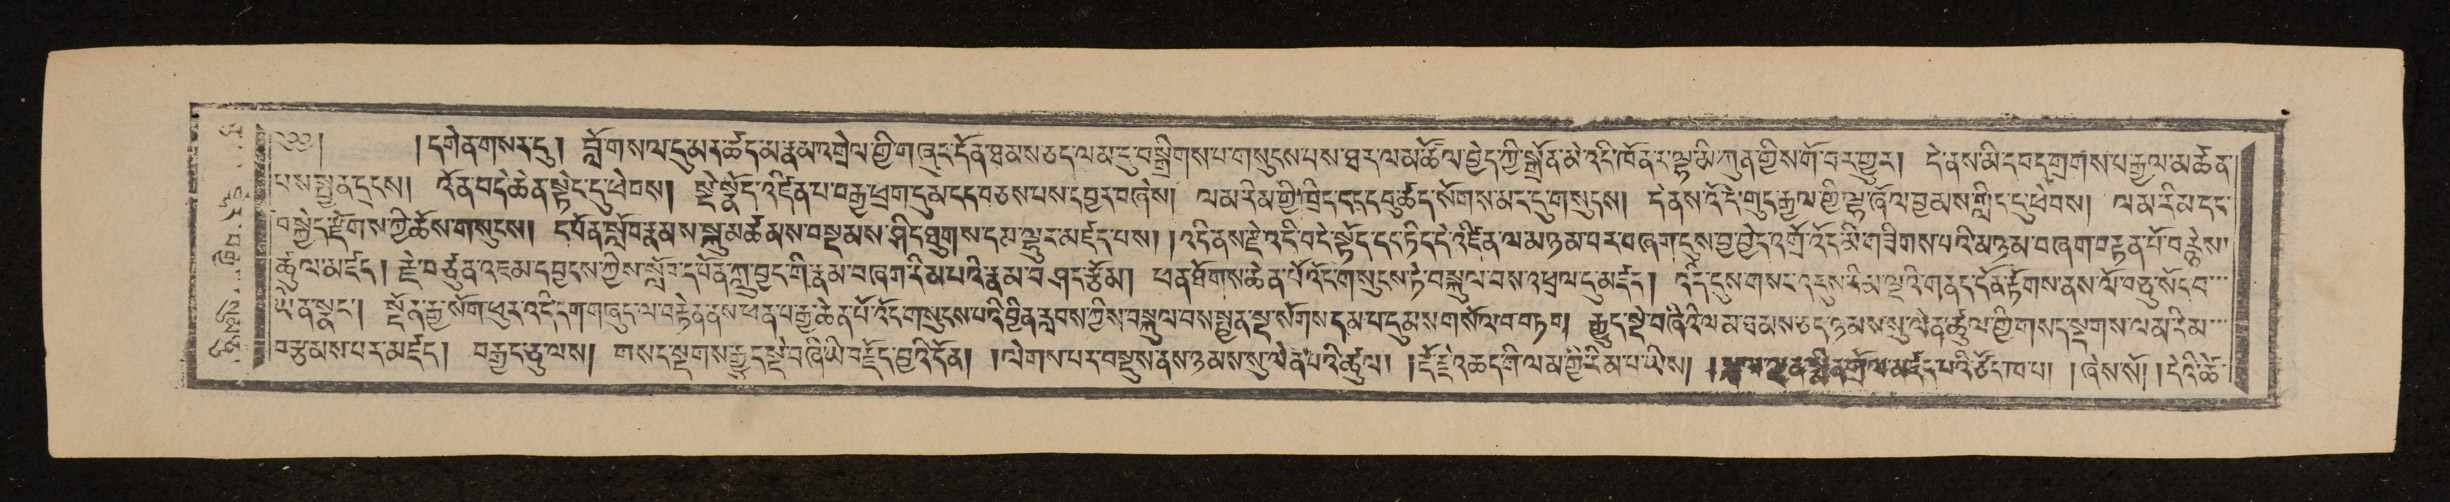༄༅། །དགེན་གསར་དུ། བློ་གསལ་དུ་མར་ཚད་མ་རྣམ་འགྲེལ་གྱི་གཞུང་དོན་ཐམས་ཅད་ལམ་དུ་བསྒྲིགས་པ་གསུངས་པས་ཐར་ལམ་ཚོལ་བྱེད་ཀྱི་སྒྲོན་མེ་འདི་ཁོ་ནར་ལྷ་མི་ཀུན་གྱིས་གོ་བར་གྱུར། དེ་ནས་མི་དབང་གྲགས་པ་རྒྱལ་མཚན་
པས་སྤྱན་དྲངས། འོ་ན་བདེ་ཆེན་སྟེང་དུ་ཕེབས། སྡེ་སྣོད་འཛིན་པ་བརྒྱ་ཕྲག་དུ་མ་དང་བཅས་པས་དབྱར་བཞེས། ལམ་རིམ་གྱི་ཁྲིད་དང་དབུ་ཚད་སོགས་མང་དུ་གསུངས། དེ་ནས་འོད་གུང་རྒྱལ་གྱི་ལྷ་ཞོལ་བྱམས་གླིང་དུ་ཕེབས། ལམ་རིམ་དང་
བསྐྱེད་རྫོགས་ཀྱི་ཆོས་གསུངས། དཔོན་སློབ་རྣམས་སྐུ་མཚམས་བསྡམས་ཤིང་ཐུགས་དམ་ལྷུར་མཛད་པས། འདི་ནས་རྗེ་འདི་བདེ་སྟོང་དང་ཏིང་ངེ་འཛིན་ལ་མཉམ་པར་བཞག་དུས་བྱ་བྱེད་འགྲོ་འོང་མི་གཟིགས་པའི་མཉམ་བཞག་བརྟན་པོ་བརྙེས་
ཚུལ་མཛད། རྗེ་བཙུན་འཇམ་དབྱངས་ཀྱིས་སློབ་དཔོན་ཀླུ་བྱང་གི་རྣམ་བཞག་རིམ་པའི་རྣམ་བཤད་རྩོམ། ཕན་ཐོགས་ཆེན་པོ་འོང་གསུངས་ཏེ་བསྐུལ་བས་འཕྲལ་དུ་མཛད། འདི་དུས་གསང་འདུས་རིམ་ལྔའི་གནད་དོན་རྟོགས་ནས་ལོ་བཅུ་སོང་བ་
ཡིན་སྣང་། སྔོན་རྒྱ་སོག་ཕུར་འདི་དག་གཞུང་ལ་བརྟེན་ནས་ཕན་པ་རྒྱ་ཆེན་པོ་འོང་གསུངས་པའི་བྱིན་རླབས་ཀྱིས་བསྐུལ་བས་སྤྱན་སྔ་སོགས་དམ་པ་དུ་མས་གསོལ་བ་བཏབ། རྒྱུད་སྡེ་བཞིའི་ལམ་ཐམས་ཅད་ཉམས་སུ་ལེན་ཚུལ་གྱི་གསང་སྔགས་ལམ་རིམ་
བརྩམས་པར་མཛད། བརྒྱད་ཅུ་ལས། གསང་སྔགས་རྒྱུད་སྡེ་བཞི་ཡི་བརྗོད་བྱའི་དོན། །ལེགས་པར་བསྡུས་ནས་ཉམས་སུ་ལེན་པའི་ཚུལ། །རྡོ་རྗེ་འཆང་གི་ལམ་གྱི་རིམ་པ་ཡིས། །སྐལ་ལྡན་སྨིན་གྲོལ་མཛད་པའི་ཙོང་ཁ་པ། །ཞེས་སོ། །དེའི་ཚེ་